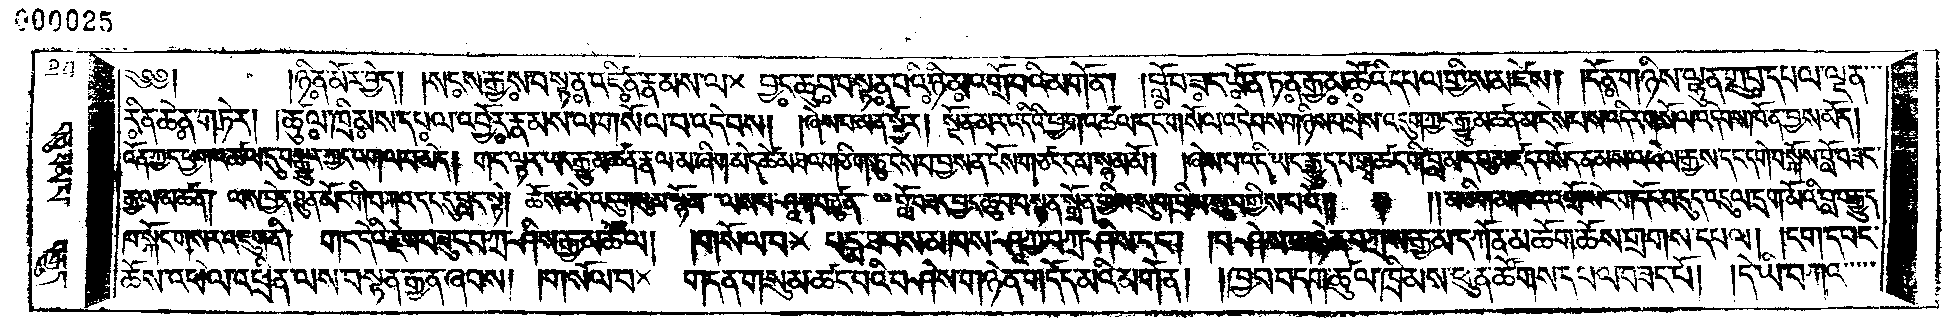༄༅། །ཉིན྾་མོར་བྱེད། །སངས྾་རྒྱས྾་བསྟན྾་འཛིན྾་རྣམས་ལ་྾་བྱང྾་ཆུབ྾་བསྟན྾་པའི྾་ཉི་མ྾་འགྲོ་བའི་མགོན། །བློ྾་བཟང྾་ཡོན྾་ཏན྾་རྒྱ྾་མཚོའི྾་དཔལ་གྱིས་མཛེས། །དོན྾་གཉིས་ལྷུན་གྲུབ྾་དཔལ་ལྡན་
རིན྾་ཆེན྾་གཏེར། །ཚུལ྾་ཁྲིམས྾་དཔལ྾་འབྱོར྾་རྣམས་ལ་གསོལ་བ་འདེབས། །ཞེས་པ་མན་སྦྱོར། སྔོན་མར་འདིའི་ཕྱག་འཚལ་དང་གསོལ་འདེབས་གཉིས་བསྲེས་འདུག་ཀྱང་རྒྱུ་མཚན་མ་ངེས་པས་འདིར་གསོལ་འདེབས་ཁོ་ན་བྱས་མོད།
འོན་ཀྱང་ཕྱག་འཚལ་དུ་བསྒྱུར་ཀྱང་འགལ་བ་མེད། གང་ལྟར་ཡང་རྒྱུ་མཚན་རྣལ་མ་ཞིག་མེད་ཚེ་མཐའ་གཅིག་ཏུ་ངེས་པ་བྱས་ན་ངོས་གཙང་ངམ་སྙམ་མོ། །ཞེས་པ་འདི་ཡང་རྒྱུད་པ་གྲྭ་ཚང་གི་བླ་མ་དབུ་མཛད་བསོད་ནམས་འཕེལ་རྒྱས་དང་དགེ་བསྐོས་བློ་བཟང་
རྒྱལ་མཚན། ལས་བྱེད་ཐུན་མོང་གི་བཀའ་དང་དུ་བླང་སྟེ། ཆོས་མེད་འདུ་གསུམ་སྙོམ་ལས་པ་ཤཱཀ་བཙུན་༧་བློ་བཟང་བྱང་ཆུབ་བསྟན་སྒྲོན་གྱིས་སུག་བྲིས་སུ་བགྱིས་པའོ།། ༈ །།མ་ཅིག་མཁའ་འགྲོ་སེང་གདོང་བདུད་འདུལ་དྲག་མོའི་བླ་བརྒྱུད་
ཁ་སྐོང་གསར་འཇུག་ནི། གང་དེའི་རྗེས་བཟུང་བཀྲ་ཤིས་རྒྱ་མཚོ་ལ། །གསོལ་བ་྾་པདམ་ཐབས་མཁས་ཤཱཀྱ་བཀྲ་ཤིས་དང་། །བཤེས་གཉེན་བཀྲས་རྒྱམ་དཀོན་མཆོག་ཆོས་གྲགས་དཔལ། །ངག་དབང་
ཆོས་འཕེལ་འཕྲིན་ལས་བསྟན་རྒྱན་ཞབས། །གསོལ་བ་྾་གདན་གསུམ་ཚང་བའི་བཤེས་གཉེན་གདོད་མའི་མགོན། །ཁྱབ་བདག་ཚུལ་ཁྲིམས་ཕུན་ཚོགས་དཔལ་བཟང་པོ། །དེ་ཡི་བཀའ་